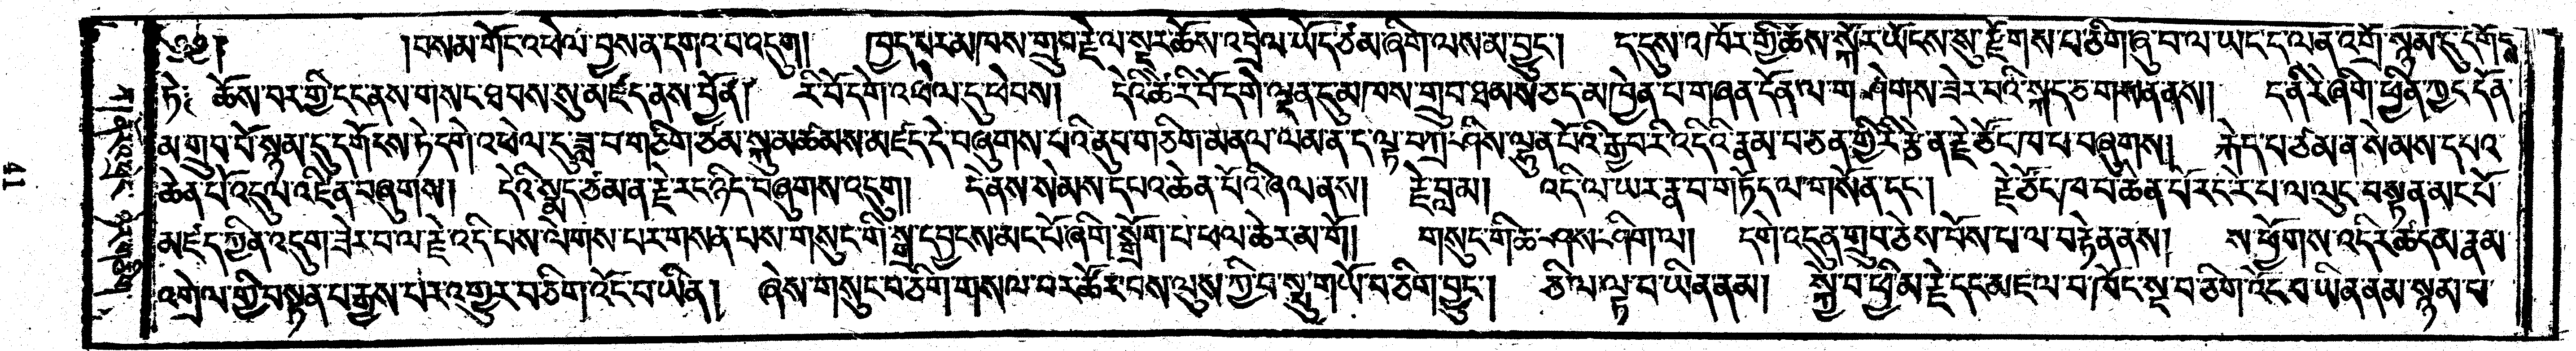༄༅། །བསམ་གོང་འཕེལ་བྱས་ན་དགའ་བ་འདུག། ཁྱད་པར་མཁས་གྲུབ་རྗེ་ལ་སྔར་ཆོས་འབྲེལ་ཡོད་ཙམ་ཞིག་ལས་མ་བྱུང་། ད་དུས་འཁོར་གྱི་ཆོས་སྐོར་ཡོངས་སུ་རྫོགས་པ་ཅིག་ཞུ་བ་ལ་ཡང་ད་ལན་འགྲོ་སྙམ་དུ་དགོངས་
ཏེ༑ ཆོས་བར་གྱི་དད་ནས་གསང་ཐབས་སུ་མཛད་ནས་བྱོན། རི་བོ་དགེ་འཕེལ་དུ་ཕེབས། དེའི་ཚེ་རི་བོ་དགེ་ལྡན་དུ་མཁས་གྲུབ་ཐམས་ཅད་མཁྱེན་པ་གཞན་དོན་ལ་གཤེགས་ཟེར་བའི་སྐད་ཅ་གསན་ནས། ད་ནི་རེ་ཞིག་ཕྱིན་ཀྱང་དོན་
མ་གྲུབ་པོ་སྙམ་དུ་དགོངས་ཏེ་དགེ་འཕེལ་དུ་ཟླ་བ་གཅིག་ཙམ་སྐུ་མཚམས་མཛད་དེ་བཞུགས་པའི་ནུབ་གཅིག་མནལ་ལམ་ན་ད་ལྟ་བཀྲ་ཤིས་ལྷུན་པོའི་རྒྱབ་རི་འདིའི་རྣམ་བ་ཅན་གྱི་རི་རྩེ་ན་རྗེ་ཙོང་ཁ་པ་བཞུགས། རྐེད་པ་ཙམ་ན་སེམས་དཔའ་
ཆེན་པོ་འདུལ་འཛིན་བཞུགས། དེའི་སྨད་ཙམ་ན་རྗེ་རང་ཉིད་བཞུགས་འདུག། དེ་ནས་སེམས་དཔའ་ཆེན་པོའི་ཞལ་ནས། རྗེ་བླ་མ། འདི་ལ་ཡར་རྣ་བ་གཏོད་ལ་གསོན་དང་། རྗེ་ཙོང་ཁ་པ་ཆེན་པོ་རང་རེ་པ་ལ་ལུང་བསྟན་མང་པོ་
མཛད་ཀྱིན་འདུག་ཟེར་བ་ལ་རྗེ་འདི་པས་ལེགས་པར་གསན་པས་གསུང་གི་སྒྲ་དབྱངས་མང་པོ་ཞིག་སྒྲོག་པ་ཕལ་ཆེར་མ་གོ། གསུང་གི་ཆ་ཤས་ཤིག་ལ། དགེ་འདུན་གྲུབ་ཅེས་པོས་པ་ལ་བརྟེན་ནས། ས་ཕྱོགས་འདིར་ཚད་མ་རྣམ་
འགྲེལ་གྱི་བསྟན་པ་རྒྱས་པར་འགྱུར་བ་ཅིག་འོང་བ་ཡིན། ཞེས་གསུང་བ་ཅིག་གསལ་བར་ཚོར་བས་ལུས་ཀྱི་བ་སྤུ་གཡོ་བ་ཅིག་བྱུང་། ཅི་ལ་ལྟ་བ་ཡིན་ནམ། སྐྱེ་བ་ཕྱི་མ་རྗེ་དང་མཇལ་བ་ཁོང་སྔ་བ་ཅིག་འོང་བ་ཡིན་ནམ་སྙམ་པ་